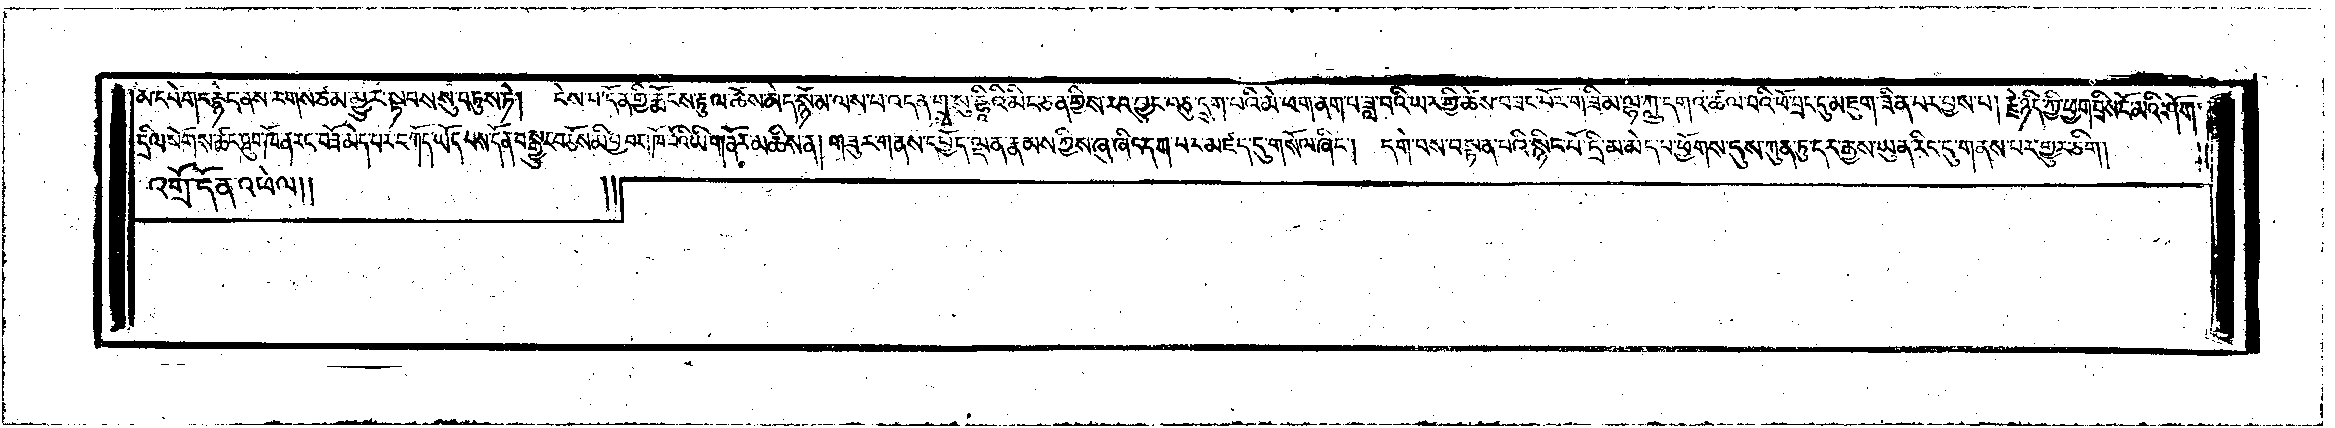མ་དཔེ་གང་རྙེད་ནས་རགས་ཙམ་མྱུར་སྟབས་སུ་བཏུས་ཏེ། ངེས་པ་དོན་གྱི་རྨོངས་རྟུལ་ཆོས་མེད་སྙོམ་ལས་པ་འདན་གྲྭ་སུ་དྷཱིའི་མིང་ཅན་གྱིས་རབ་བྱུང་བཅུ་དྲུག་པའི་མེ་ཕག་ནག་པ་ཟླ་བའི་ཡར་གྱི་ཚེས་བཟང་པོར་ག་ཟིམ་ལྷ་ཀླུ་དགའ་ཚལ་བའི་ཕོ་བྲང་དུ་མཇུག་ཟིན་པར་བྱས་པ། རྗེ་ཉིད་ཀྱི་ཕྱག་བྲིས་ངོ་མའི་ཤོག་
དྲིལ་སོགས་ཚང་ཐུབ་ཁོ་ན་རང་བཟོ་མེད་པར་བཀོད་ཡོད་པས་དོན་བསྒྱུར་བཅོས་མི་བྱ་བར། ཁོ་བོའི་ཡི་གནོར་མཆིས་ན། གཟུར་གནས་དཔྱོད་ལྡན་རྣམས་ཀྱིས་ཞུ་ཞིང་དག་པར་མཛད་དུ་གསོལ་ཞིང་། དགེ་བས་བསྟན་པའི་སྙིང་པོ་དྲི་མ་མེད་པ་ཕྱོགས་དུས་ཀུན་ཏུ་དར་རྒྱས་ཡུན་རིང་དུ་གནས་པར་གྱུར་ཅིག། །།
འགྲོ་དོན་འཕེལ།། །།